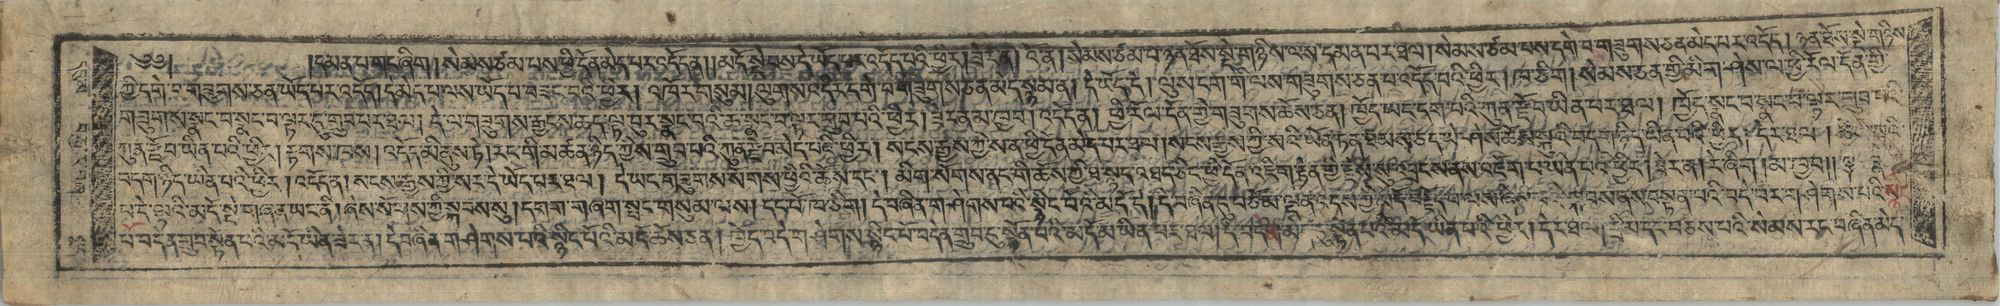༄༅། །དམན་པ་གང་ཞིག །སེམས་ཙམ་པས་ཕྱི་དོན་མེད་པར་འདོད་ན། །མདོ་སྡེ་པས་དེ་ཡོད་པར་འདོད་པའི་ཕྱིར། ཟེར་ན། འོ་ན། སེམས་ཙམ་པ་ཉན་ཐོས་སྡེ་གཉིས་ལས་དམན་པར་ཐལ། སེམས་ཙམ་པས་དགེ་བ་གཟུགས་ཅན་མེད་པར་འདོད། ཉན་ཐོས་སྡེ་གཉིས་
ཀྱི་དགེ་བ་གཟུགས་ཅན་ཡོད་པར་འདོད། དེ་མེད་པ་ལས་ཡོད་པ་བཟང་བའི་ཕྱིར། འཁོར་གསུམ། ལུགས་འདིར་དགེ་བ་གཟུགས་ཅན་མེད་སྙམ་ན། དེ་ཡོད་དེ། ལུས་ངག་གི་ལས་གཟུགས་ཅན་པ་འདོད་པའི་ཕྱིར། ཁ་ཅིག །སེམས་ཅན་གྱི་མིག་ཤེས་ལ་ཕྱི་རོལ་དོན་གྱི་
གཟུགས་སྣང་བ་སྣང་བ་ལྟར་དུ་གྲུབ་པར་ཐལ། དེ་ལ་གཟུགས་རྒྱངས་ཆད་ལྟ་བུར་སྣང་བའི་ཆ་སྣང་བ་ལྟར་གྲུབ་པའི་ཕྱིར། ཟེར་ན་མ་ཁྱབ། འདོད་ན། ཕྱི་རོལ་དོན་གྱི་གཟུགས་ཆོས་ཅན། ཁྱོད་ཡང་དག་པའི་ཀུན་རྫོབ་ཡིན་པར་ཐལ། ཁྱོད་སྣང་བ་སྣང་བ་ལྟར་གྲུབ་པའི་
ཀུན་རྫོབ་ཡིན་པའི་ཕྱིར། རྟགས་ཁས། འདོད་མི་ནུས་ཏེ། རང་གི་མཚན་ཉིད་ཀྱིས་གྲུབ་པའི་ཀུན་རྫོབ་མེད་པའི་ཕྱིར། སངས་རྒྱས་ཀྱི་ས་ན་ཕྱི་དོན་མེད་པར་ཐལ། སངས་རྒྱས་ཀྱི་སའི་ཡོན་ཏན་ཐམས་ཅད་ཡེ་ཤེས་ཆོས་སྐུའི་བདག་ཉིད་ཡིན་པའི་ཕྱིར། དེར་ཐལ། ཆོས་སྐུའི་
བདག་ཉིད་ཡིན་པའི་ཕྱིར། འདོད་ན། སངས་རྒྱས་ཀྱི་སར་དེ་ཡོད་པར་ཐལ། དེ་ཡང་གཟུགས་སོགས་ཕྱིའི་ཆོས་དང་། མིག་སོགས་ནང་གི་ཆོས་ཀྱི་ཐ་སྙད་འཐད་ཅིང་ཕྱི་དོན་འཇིག་རྟེན་གྱི་རྗེས་སུ་འབྲངས་ནས་འཇོག་པ་ཡིན་པའི་ཕྱིར། ཟེར་ན། རེ་ཞིག །མ་ཁྱབ།། ༈ རྣམ་
པ་དེ་ལྟའི་མདོ་སྡེ་གཞན་ཡང་ནི། ཞེས་སོགས་ཀྱི་སྐབས་སུ། དགག་གཞག་སྤངས་གསུམ་ལས། དང་པོ་ཁ་ཅིག །དེ་བཞིན་གཤེགས་པའི་སྙིང་པོའི་མདོ་དེ། དེ་བཞིན་དུ་བཅོམ་ལྡན་འདས་ཀྱི་མདོ་བརྗོད་པ་ལས་ཞེས་པའི་སྐབས་ནས་བསྟན་པའི་བདེ་བར་གཤེགས་པའི་སྙིང་
པོ་བདེན་གྲུབ་སྟོན་པའི་མདོ་ཡིན་ཟེར་ན། དེ་བཞིན་གཤེགས་པའི་སྙིང་པོའི་མདོ་ཆོས་ཅན། ཁྱོད་བདེ་གཤེགས་སྙིང་པོ་བདེན་གྲུབ་དུ་སྟོན་པའི་མདོ་མ་ཡིན་པར་ཐལ། དེ་བདེན་མེད་དུ་སྟོན་པའི་མདོ་ཡིན་པའི་ཕྱིར། དེར་ཐལ། དྲི་མ་དང་བཅས་པའི་སེམས་རང་བཞིན་མེད་